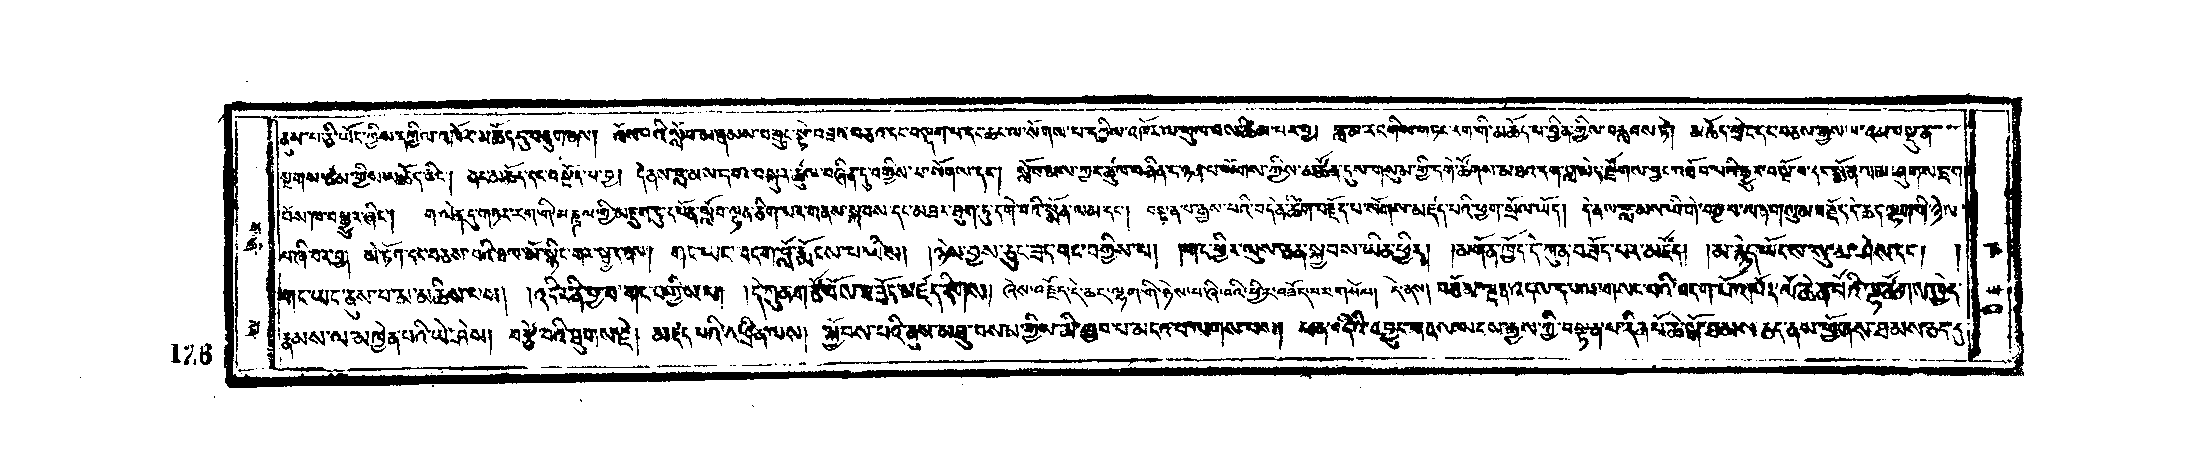ནུས་པ་ཅི་ཡོད་ཀྱིས་དཀྱིལ་འཁོར་མཆོད་དུ་བཅུག་ནས། འོས་པའི་སློབ་མ་རྣམས་བཟུང་སྟེ་བཟའ་བཅའ་དང་བསྡག་པ་དང་ཆང་ལ་སོགས་པ་དཀྱིལ་འཁོར་ལ་ཕུལ་བས་ཚིམ་པར་བྱ། བླ་མ་རང་གིས་བཏང་རག་གི་མཆོད་པ་བྱིན་གྱིས་བརླབས་ཏེ། མཆོད་ཕྲེང་དང་བཅས་རྒྱས་པ་འམ་བསྡུ་ན་
སྔགས་ཙམ་གྱིས་མཆོད་ཅིང་། ནང་མཆོད་དང་བསྔོན་པ་བྱ། དེ་ནས་བླ་མས་དབང་བསྐུར་ཚུལ་བཞིན་དུ་བགྱིས་པ་སོགས་དང་། སློབ་མས་ཀྱང་ཚུལ་བཞིན་ང་ཉན་པ་སོགས་ཀྱིས་མཚོན་དུས་གསུམ་གྱི་དགེ་ཚོགས་མཐའ་དག་བླ་མེད་རྫོགས་བྱང་འཐོབ་པའི་རྒྱུར་བསྔོ་བ་དང་སྨོན་ལམ་ཤུགས་དྲག་
བོས་ཁ་བསྒྱུར་ཞིང་། ག་ལེན་དུ་གཏང་རག་གི་མཎྜལ་གྱི་མཇུག་ཏུ་དཔོན་སློབ་ལྷན་ཅིག་པར་གནས་སྐབས་དང་མཐར་ཐུག་ཏུ་དགེ་བའི་སྨོན་ལམ་དང་། བསྟན་པ་རྒྱས་པའི་བདེན་ཚིག་བརྗོད་པ་སོགས་མཛད་པའི་ཕྱག་སྲོལ་ཡོད། དེ་ནས་བླ་མས་ཡི་གེ་བརྒྱ་བ་ལན་གསུམ་བརྗོད་དེ་ཆད་ལྷག་གི་ཉེས་
པ་ཞི་བར་བྱ། མེ་ཏོག་དང་བཅས་པའི་ཐལ་མོ་སྙིང་གར་སྦྱར་ནས། གང་ཡང་བདག་བློ་རྨོངས་པ་ཡིས། །ཉེས་བྱས་ཅུང་ཟད་གང་བགྱིས་པ། །གང་ཕྱིར་ལུས་ཅན་སྐྱབས་ཡིན་ཕྱིར། །མགོན་ཁྱོད་དེ་ཀུན་བཟོད་པར་མཛོད། །མ་རྙེད་ཡོངས་སུ་མ་ཤེས་དང།།
གང་ཡང་ནུས་པ་མ་མཆིས་པས། །འདིར་ནི་བྱ་བ་གང་བགྱིས་པ། །དེ་ཀུན་གཙོ་བོས་བཟོད་མཛད་རིགས། ཞེས་བརྗོད་དེ་ཆང་ལྷག་གི་ཉེས་པ་ཞི་བའི་ཕྱིར་བཟོད་པར་གསོལ། དེ་ནས། བཅོམ་ལྡན་འདས་དཔལ་གསང་བའི་བདག་པོ་འཁོར་ལོ་ཆེན་པོའི་ལྷ་ཚོགས་ཁྱེད་
རྣམས་ལ་མཁྱེན་པའི་ཡེ་ཤེས། བརྩེ་བའི་ཐུགས་རྗེ། མཛད་པའི་འཕྲིན་ལས། སྐྱོབས་པའི་ནུས་མཐུ་བསམ་གྱིས་མི་ཁྱབ་པ་མངའ་བ་ལགས་པས། ཕན་བདེའི་འབྱུང་གནས་སངས་རྒྱས་ཀྱི་བསྟན་པ་རིན་པོ་ཆེ་སྒོ་ཐམས་ཅད་ནས་ཕྱོགས་ཐམས་ཅད་དུ་